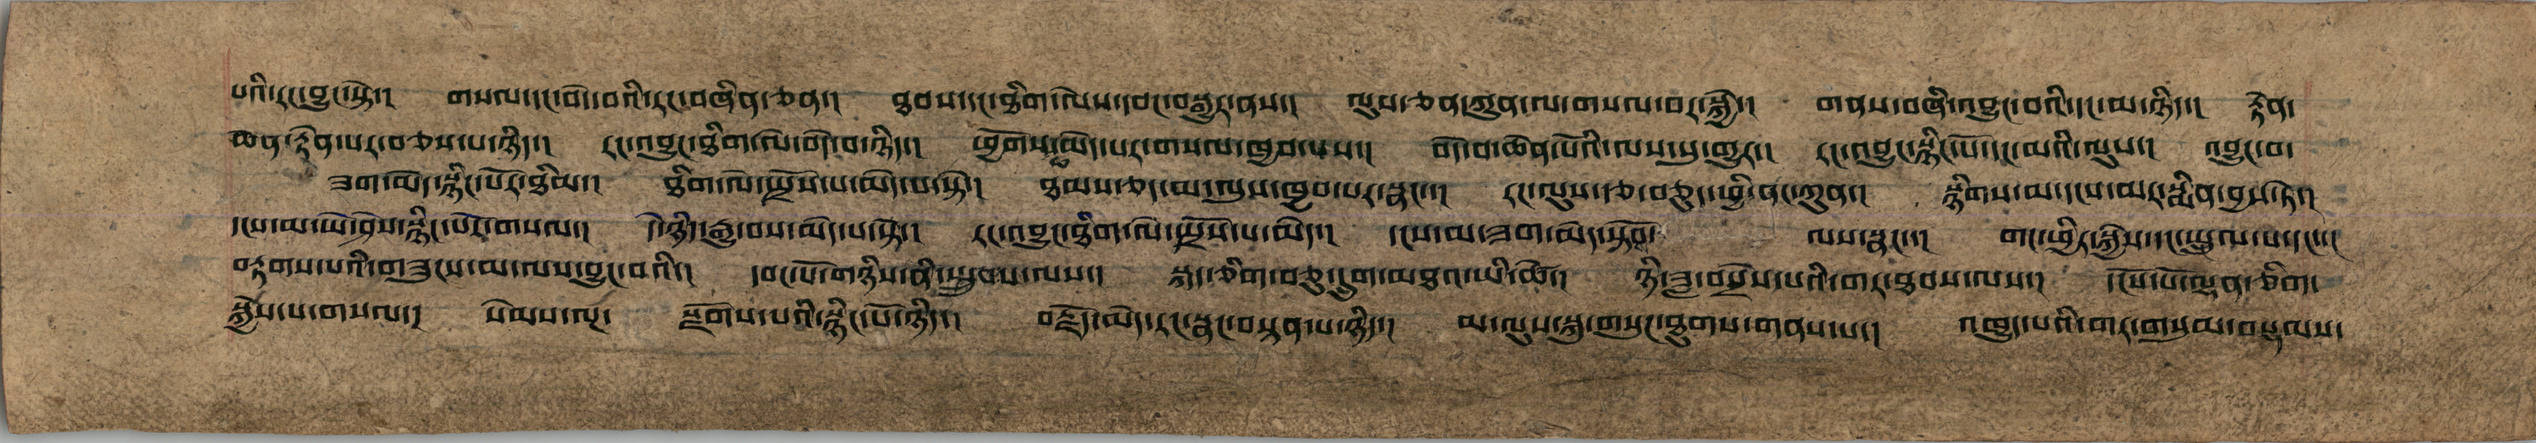པའི་རང་བྱུང་སྟེ་། གསལ་དང་བདེ་བའི་རང་བཞིན་ཅན་། ཐབས་དང་ཐིག་ལེས་དབང་བསྒྱུར་ནས་། ལུས་ཅན་ཀུན་ལ་གསལ་བར་སྐྱེ་། གནས་བཞི་འབྱུང་བའི་དང་མ་ཉིད་། རྟེན་
ཆན་རྟེན་པར་བཅས་པ་ཉིད་། རང་འབྱུང་ཐིག་ལེ་བདེ་བ་ཉིད་། ཕྱོགས་མ་མེད་པར་གསལ་ཁྱབ་པས་། བདེ་བ་ཆེན་པོའི་ལས་སུ་གྱུར་། རང་བྱུང་སྙིང་པོ་དང་མའི་ལུས་། འབྱུང་བ་
ཟག་མེད་སྙིང་པོར་ཐིམ་། ཐིག་ལེ་སྤྲོས་པ་མེད་པ་སྟེ་། ཐམས་ཅད་མ་ལུས་ཁྱབ་པར་སྣང་་། རང་ལུས་རྩ་བཅུད་ཕྱི་ནང་ཀུན་། སྙིགས་མ་དངས་མར་སྨིན་བྱས་ཏེ་།
དངས་མ་ཡེ་ཤེས་སྙིང་པོར་གསལ་། དེ་ཉིད་རྒྱུ་བས་མེད་པ་སྟེ་། རང་འབྱུང་ཐིག་ལེ་སྤྲོས་པ་མེད་། དངས་མ་ཟག་མེད་སྟོབ་ ལས་སྣང་་། གང་ཕྱིར་སྐྱེས་དང་སྤྲུལ་པ་དང་་།
བརྟགས་པའི་གཟུངས་མ་ལས་བྱུང་བའི་། དབང་པོ་གཉིས་ནིསྤྲུབཔ་ལས་། སྐད་ཅིག་བཅུ་དྲུག་མཐའ་ཡི་ཚེ་། ཉི་ཟླ་བསྲེས་པའི་གར་ཐབས་ལས་། དངོས་པོ་ལྡན་ཅིག་
སྐྱེས་པ་གསལ་། སེམས་ལྔ་ སྫོགས་པའི་སྙིང་པོ་ཉིད་། བརྗོད་མེད་རང་སྣང་བསྟན་པ་ཉིད་། མ་ལུས་སྐུ་གསུང་ཐུགས་གནས་པ་། འཁྱུད་པའི་གར་གསུམ་བསྡམས་